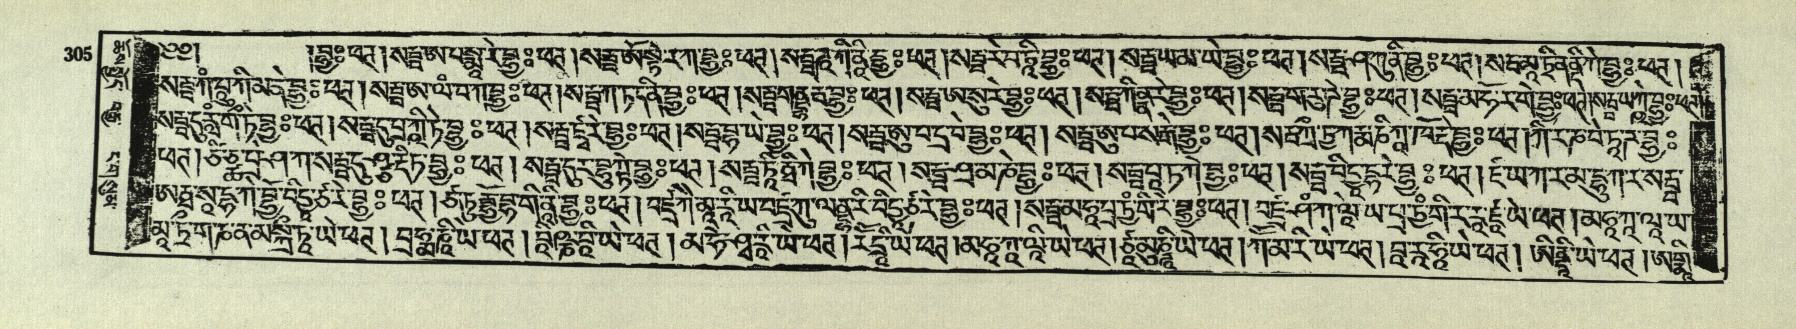༄༅། །བྷྱཿཕཊ་།སརྦབ་ཨ་པསྨཱ་རེ་བྷྱཿཕཊ་།སརྦྦ་ཨོསྟེ་ར་ཀ་བྷྱཿཕཊ་།སརྦྦ་ཌཱ་ཀི་ནཱི་དྷྱཿཕཊ་།སརྦྦ་རེ་བ་ཏཱི་བྷྱཿཕཊ་།སརྦྦ་ཡ་མ་ཡེ་བྷྱཿཕཊ་།སརྦྦ་ཤ་ཀུ་ནི་བྷྱཿཕཊ་།སརྦ་མཱ་ཏྲི་ན་ནིད་ཀེ་བྷྱཿཕཊ།
སརྦྦ་ཀཾ་པཱུ་ཀི་མ་ནེ་བྷྱཿཕཊ་།སརྦྦ་ཨ་ལཾ་བ་ཀ་བྷྱཿཕཊ་།སརྦབ་ཀ་ཏ་ད་ནི་བྷྱཿཕཊ་།སརྦྦ་གནྡྷརྦ་བྷྱཿཕཊ་།སརྦྦ་ཨ་སུ་རེ་བྷྱཿཕཊ་།སརྦྦ་ཀི་ནན་རེ་བྷྱཿཕཊ་།སརྦྦ་ག་རུ་ཊེ་བྷྱཿཕཊ་།སརྦྦ་མ་ཧོ་ར་གེ་བྷྱཿཕཊ་།སརྦྦ་ཡཀྵེ་བྷྱཿཕཊ་
སརྦྦ་དུ་རླཾ་གྀ་ཏེ་བྷྱཿཕཊ་།སརྦྦ་དུ་པྲ་ཀྵི་ཏེ་བྷྱཿཕཊ་།སརྦྦ་ཛྭ་རེ་བྷྱཿཕཊ་།སརྦྦ་བྷ་ཡེ་བྷྱཿཕཊ། སརྦྦ་ཨུ་བ་དྲ་བེ་བྷྱཿཕཊ་།སརྦྦ་ཨུ་པ་སརྒེ་བྷྱཿཕཊ། སརྦ་ཀྲྀ་ཏྱ་ཀ་རྨ་ཎི་ཀཱ་ཁོརྡེ་བྷྱཿཕཊ་།ཀི་ར་ཎ་པེ་ཏཱ་ཌ་བྷྱཿ
ཕཊ་།ཙི་ཅྪ་པྲེ་ཤ་ཀ་སརྦྦ་དུ་ཤྩ་རྡིཏ་བྷྱཿཕཊ། སརྦྦ་དུར་བྷུཀྟེ་བྷྱཿཕཊ་།སརྦྦ་ཏཱི་རྠི་ཀེ་བྷྱཿཕཊ། སརྦྦ་ཤྲ་མ་ཎེ་བྷྱཿཕཊ་།སརྦྦ་པཱ་ཏ་ཀེ་བྷྱཿཕཊ། སརྦྦ་བིདྱཱ་དྷ་རེ་བྷྱཿཕཊ་།ཛ་ཡ་ཀ་ར་མ་དྷུ་ཀ་ར་སརྦྦ་
ཨརྠ་སཱ་དྷ་ཀེ་བྷྱོ་བིདྱཱ་ཙ་རེ་བྷྱཿཕཊ་།ཙ་ཏུ་རྦྷྱོ་བྷ་གི་ནཱི་བྷྱཿཕཊ་།བྫྲ་ཀཻ་མཱ་རཱི་ཡ་བྫྲ་ཀུ་ལནྡྷ་རི་བིདྱཱ་ཙ་རེ་བྷྱཿཕཊ་།སརྦྦ་མཧཱ་པྲ་ཏྱཾ་གི་རེ་བྷྱཿཕཊ། བྫྲ་ཤཾ་ཀ་ལE་ཡ་པྲ་ཏྱཾ་གི་ར་རཱ་ཛཱ་ཡེ་ཕཊ་།མཧཱ་ཀཱ་ལཱ་ཡ་
མཱྀ་ཏྲ་ག་ཎ་ན་མསྐྲྀ་ཏཱ་ཡེ་ཕཊ་།བྲཧྨ་ཎཱི་ཡེ་ཕཊ་།བཱི་ཥྞ་བཱི་ཡེ་ཕཊ་།མ་ཧེ་ཤྭ་རཱི་ཡེ་ཕཊ་།རཽདྲཱི་ཡེ་ཕཊ། མཧཱ་ཀཱ་ལཱི་ཡེ་ཕཊ་།ཙཱ་མུཎྜཱི་ཡེ་ཕཊ་།ཀཽ་མ་རི་ཡེ་ཕཊ། བཱ་རཱ་ཧཱི་ཡེ་ཕཊ། ཨིནྡཱི་ཡེ་ཕཊ་།ཨགནཱི་